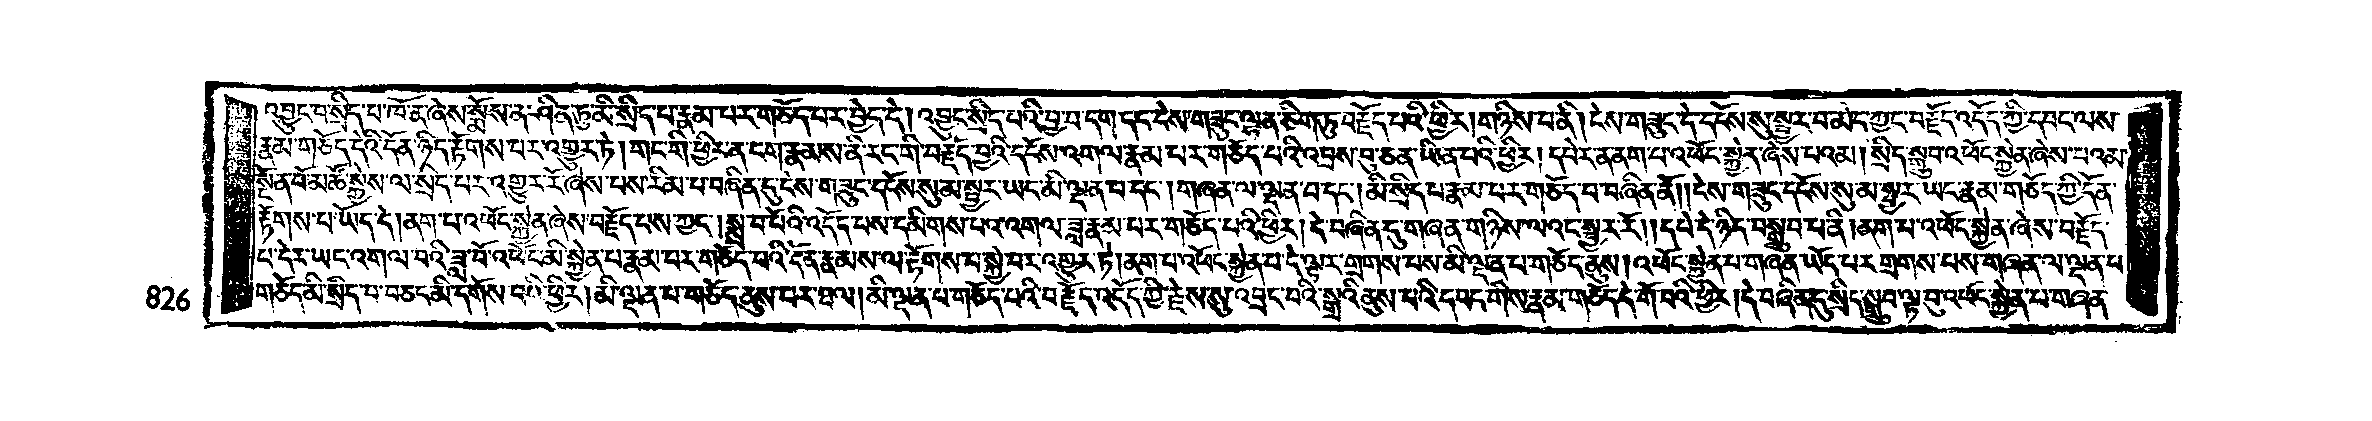འབྱུང་བ་སྲིད་པ་ཁོ་ན་ཞེས་སྨོས་ན་ཤིན་ཏུ་མི་སྲིད་པ་རྣམ་པར་གཅོད་པར་བྱེད་དེ། འབྱུང་སྲིད་པའི་བྱ་བ་དག་དང་ངེས་གཟུང་ལྷན་ཅིག་ཏུ་བརྗོད་པའི་ཕྱིར། གཉིས་པ་ནི། ངེས་གཟུང་དངོས་སུ་སྦྱར་བ་མེད་ཀྱང་བརྗོད་འདོད་ཀྱི་དབང་ལས་
རྣམ་གཅོད་དེའི་དོན་ཉིད་རྟོགས་པར་འགྱུར་ཏེ། གང་གི་ཕྱིར་ན་ངག་རྣམས་ནི་རང་གི་བརྗོད་བྱའི་དངོས་འགལ་རྣམ་པར་གཅོད་པའི་འབྲས་བུ་ཅན་ཡིན་པའི་ཕྱིར། དཔེར་ན་ནག་པ་འཕོང་སྐྱེན་ཞེས་པའམ། སྲིད་སྒྲུབ་འཕོང་སྐྱེན་ཞེས་པའམ་
སྔོན་པོ་མཚོ་སྐྱེས་ལ་སྲིད་པར་འགྱུར་རོ་ཞེས་པས་རིམ་པ་བཞིན་དུ་ངེས་གཟུང་དངོས་སུ་མ་སྦྱར་ཡང་མི་ལྡན་པ་དང་། གཞན་ལ་ལྡན་པ་དང་། མི་སྲིད་པ་རྣམ་པར་གཅོད་པ་བཞིན་ནོ། །ངེས་གཟུང་དངོས་སུ་མ་སྦྱར་ཡང་རྣམ་གཅོད་ཀྱི་དོན་
རྟོགས་པ་ཡོད་དེ། ནག་པ་འཕོང་སྐྱེན་ཞེས་བརྗོད་པས་ཀྱང་། སྨྲ་བ་པོའི་འདོད་པས་དམིགས་པའི་འགལ་ཟླ་རྣམ་པར་གཅོད་པའི་ཕྱིར། དེ་བཞིན་དུ་གཞན་གཉིས་ལའང་སྦྱར་རོ། །དཔེ་དེ་ཉིད་བསྒྲུབ་པ་ནི། རག་པ་འཕོང་སྐྱེན་ཞེས་བརྗོད་
པ་དེར་ཡང་འགལ་བའི་ཟླ་བོ་འཕོང་མི་སྐྱེན་པ་རྣམ་པར་གཅོད་པའི་དོན་རྣམས་ལ་རྟོགས་པ་སྐྱེ་བར་འགྱུར་ཏེ། ནག་པ་འཕོང་སྐྱེན་པ་དེ་ལྟར་གྲགས་པས་མི་ལྡན་པ་གཅོད་ནུས། འཕོང་སྐྱེན་པ་གཞན་ཡོད་པར་གྲགས་པས་གཞན་ལ་ལྡན་པ་
གཅོད་མི་སྲིད་པ་བཅད་མི་དགོས་པའི་ཕྱིར། མི་ལྡན་པ་གཅོད་ནུས་པར་ཐལ། མི་ལྡན་པ་གཅོད་པའི་བརྗོད་འདོད་ཀྱི་རྗེས་སུ་འབྲང་བའི་སྒྲའི་ནུས་པའི་དབང་གིས་རྣམ་གཅོད་དེ་གོ་བའི་ཕྱིར། དེ་བཞིན་དུ་སྲིད་སྒྲུབ་ལྟ་བུ་འཕོང་སྐྱེན་པ་གཞན་